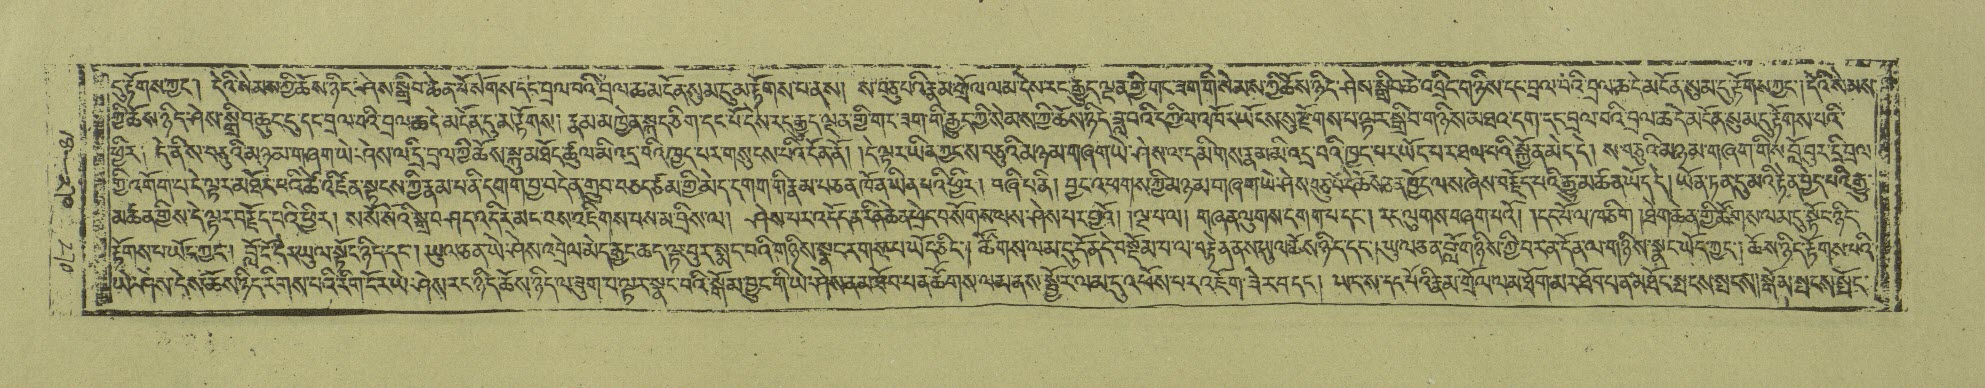དུ་རྟོགས་ཀྱང་། དེའི་སེམས་ཀྱི་ཆོས་ཉིད་ཤེས་སྒྲིབ་ཆེན་པོ་སོགས་དང་བྲལ་བའི་བྲལ་ཆ་མངོན་སུམ་དུ་མ་རྟོགས་པ་ནས། ས་བཅུ་པའི་རྣམ་གྲོལ་ལམ་དེས་རང་རྒྱུད་ལྡན་གྱི་གང་ཟག་གི་སེམས་ཀྱི་ཆོས་ཉིད་ཤེས་སྒྲིབ་ཆེ་འབྲིང་གཉིས་དང་བྲལ་བའི་བྲལ་ཆ་དེ་མངོན་སུམ་དུ་རྟོགས་ཀྱང་། དེའི་སེམས་
ཀྱི་ཆོས་ཉིད་ཤེས་སྒྲིབ་ཆུང་ངུ་དང་བྲལ་བའི་བྲལ་ཆ་དེ་མངོན་དུ་མ་རྟོགས། རྣམ་མཁྱེན་སྐད་ཅིག་དང་པོ་དེས་རང་རྒྱུད་ལྡན་གྱི་གང་ཟག་གི་རྒྱུད་ཀྱི་སེམས་ཀྱི་ཆོས་ཉིད་ཟླ་བའི་དཀྱིལ་འཁོར་ཡོངས་སུ་རྫོགས་པ་ལྟར་སྒྲིབ་གཉིས་མཐའ་དག་དང་བྲལ་བའི་བྲལ་ཆ་དེ་མངོན་སུམ་དུ་རྟོགས་པའི་
ཕྱིར། དེ་ནི་ས་བཅུའི་མཉམ་བཞག་ཡེ་ཤེས་ལ་དྲི་བྲལ་གྱི་ཆོས་སྐུ་མཐོང་ཚུལ་མི་འདྲ་པའི་ཁྱད་པར་གསུངས་པའི་དོན་ནོ། །དེ་ལྟར་ཡིན་ཀྱང་ས་བཅུའི་མཉམ་གཞག་ཡེ་ཤེས་ལ་དམིགས་རྣམ་མི་འདྲ་པའི་ཁྱད་པར་ཡོད་པར་ཐལ་བའི་སྐྱོན་མེད་དེ། ས་བཅུའི་མཉམ་གཞག་གིས་བློ་བུར་དྲི་བྲལ་
གྱི་འགོག་པ་དེ་ལྟར་མཐོང་བའི་ཚེ་འཛིན་སྟངས་ཀྱི་རྣམ་པ་ནི་དགག་བྱ་བདེན་གྲུབ་བཅད་ཙམ་གྱི་མེད་དགག་གི་རྣམ་པ་ཅན་ཁོ་ན་ཡིན་པའི་ཕྱིར། བཞི་པ་ནི། བྱང་འཕགས་ཀྱི་མཉམ་གཞག་ཡེ་ཤེས་བཅུ་བློ་དེ་ཆོས་ཅན་ཁྱོད་ལས་ཞེས་བརྗོད་པའི་རྒྱུ་མཚན་ཡོད་དེ། ཡོན་ཏན་དུ་མའི་རྟེན་བྱེད་པའི་རྒྱུ་
མཚན་གྱིས་དེ་ལྟར་བརྗོད་པའི་ཕྱིར། ས་སོ་སོའི་སྒྲ་བཤད་འདིར་མང་བས་འཇིགས་བས་མ་ཟིས་ལ། ཤེས་པར་འདོད་ན་རིན་ཆེན་ཕྲེང་བ་སོགས་ལས་ཤེས་པར་བྱའོ། །ལྔ་པ་ལ། གཞན་ལུགས་དགག་པ་དང་། རང་ལུགས་བཞག་པའོ། །དང་པོ་ལ་ཁ་ཅིག །ཐེག་ཆེན་གྱི་ཚོགས་ལམ་དུ་སྟོང་ཉིད་
རྟོགས་པ་ཡོད་ཀྱང་། བློ་ངོ་དེར་ཡུལ་སྟོང་ཉིད་དང་། ཡུལ་ཅན་ཡེ་ཤེས་འབྲེལ་མེད་རྒྱང་ཆད་ལྟ་བུར་སྣང་བའི་གཉིས་སྣང་རགས་པ་ཡོད་ཅིང་། ཚོགས་ལམ་དུ་དོན་དེ་བསྒོམ་པ་ལ་བརྟེན་ནས་ཡུལ་ཆོས་ཉིད་དང་། ཡུལ་ཅན་བློ་གཉིས་ཀྱི་བར་ན་དོན་ལ་གཉིས་སྡང་ཡོད་ཀྱང་། ཆོས་ཉིད་རྟོགས་པའི་
ཡེ་ཤེས་དེས་ཆོས་ཉིད་རིགས་པའི་རིག་ངོར་ཡེ་ཤེས་རང་ཉིད་ཆོས་ཉིད་ལ་ཟུག་པ་ལྟར་སྣང་བའི་སྒོམ་བྱུང་གི་ཡེ་ཤེས་ནམ་ཐོབ་པ་ན་ཚོགས་ལམ་ནས་སྦྱོར་ལམ་དུ་འཕོས་པར་འཇོག་ཟེར་བ་དང་། ཡང་ས་དང་པོའི་རྣམ་གྲོལ་ལམ་ཐོག་མར་ཐོབ་པ་ན་མཐོང་སྤངས་སྤངས། སྒོམ་སྤངས་སྤོང་